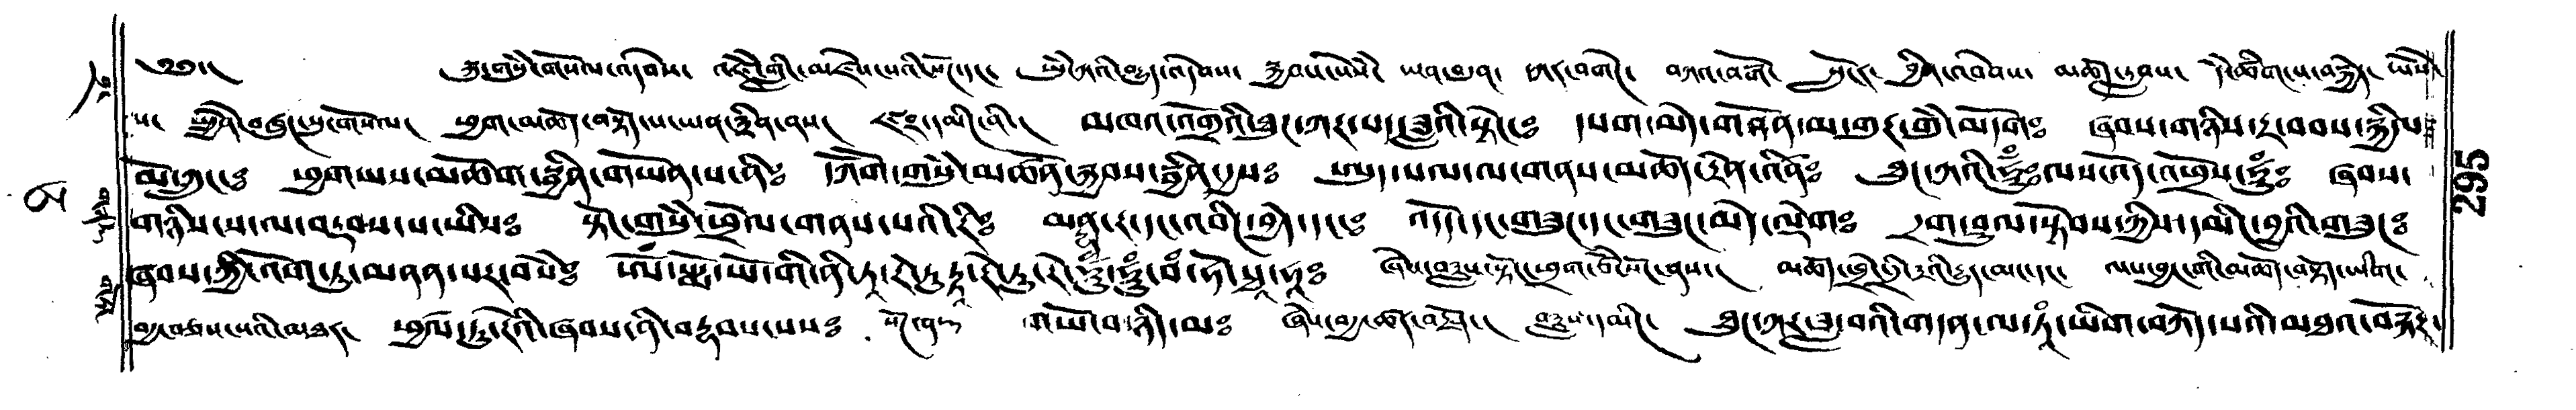སྐུ་གསུམ་གསོལ་འདེབས། འཛམ་གླིང་མཛེས་པའི༴ སོགས་དང་། ཡུམ་ཀའི་བརྒྱུད་འདེབས། སྐྱབས་སེམས། ཡན་བདུན། དཀར་བགེགས། བཀའ་བསྒོ སྲུང་འཁོར། བྱིན་འབེབས། མཆོད་རླབས། དམ་ཚིག་པ་བསྐྱེད། ཡེ་ཤེས་
པ་སྤྱན་འདྲེན་བཞུགས་སུ་གསོལ། ཕྱག་མཆོད་བསྟོད་པ་ཡན་ཟིན་ནས། ཛཔྲ་དམིགས་ནི། མཁའ་འགྲོའི་ཐུགས་ཀར་པད་ཟླའི་སྟེང་༔ དཔག་མེད་གནོན་མ་གུར་གུམ་མདོག༔ ཞབས་གཉིས་རྟ་བབས་སྐྱིལ་
མོ་ཀྲུང༔ ཕྱག་གཡས་མཆོག་སྦྱིན་གཡོན་པ་ནི༔ དཀོན་མཆོག་གསུམ་མཚོན་སྐྱབས་སྦྱིན་རྒྱས༔ཨུཏྤལ་ལ་གནས་མཆོད་རྟེན་འཛིན༔ ཐུགས་ཀའི་ཧཱུྃཿལས་འོད་འཕྲོས་ཧཱུྃ༔ ཞབས་
གཉིས་ས་ལ་བརྡབས་པ་ཡིས༔ སྟོང་གསུམ་ཕ་རོལ་གནས་པའི་རི༔ མནྡྷ་ར་དང་འབིགས་བྱེད་དང༔ འདོད་དང་གཟུགས་དང་གཟུགས་མེད་ལྡེག༔ དྲག་ཤུལ་སྟོབས་ཀྱིས་དམིགས་བྱའི་གཟུགས༔ 
ཞབས་ཀྱི་འོག་ཏུ་མནན་པར་བསམ༔ ཨོཾ་པདྨོ་ཡོ་གི་ནི་ཏཱ་རེ་ཧཱུྃ་ཧཱུྃ་བཾ་ཧོ་སྭ་ཧཱ༔ ཞེས་བཟླས་སྟོང་ཕྲག་ཙམ་སོང་ནས། མཆོད་ཕྲེང་དྲི་ཟའི་རྒྱུད་མང་དང་། ལས་བྱང་གི་མཆོད་བསྟོད་ཡིག་
བརྒྱ་བཅས་པའི་མཐར། ཕྱག་འཚལ་ཏུ་རེའི་ཞབས་ནི་བརྡབས་པས། སོགས་ནས། གཡོ་བ་ཉིད་མ། ཞེས་བརྒྱ་ཚརབརྗོད། བཟླས་དམིགས། ཐུགས་ཀར་ཟླ་བའི་གདན་ལ་ཏཱཾ་ཡིག་བཀོད་པའི་མཐའ་བསྐོར་